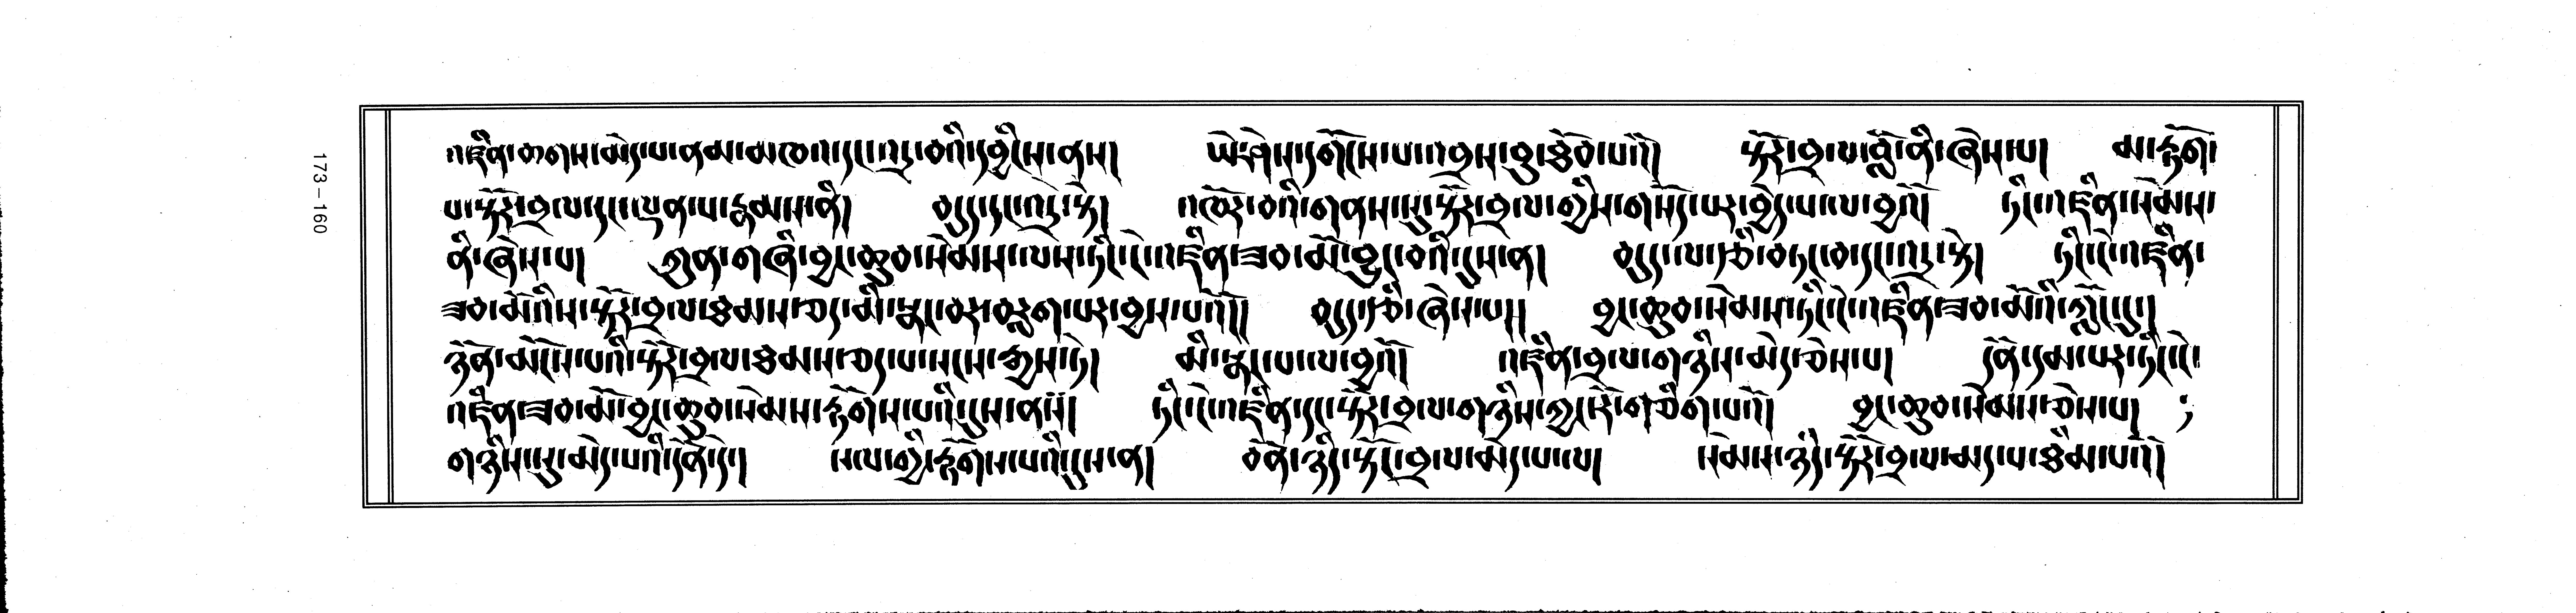འཛིན་ཆགས་མེད་པ་ནམ་མཁའ་འདྲ་བའི་དབྱིངས་ནས། ཡེ་ཤེས་དགོངས་པ་འབྲས་བུ་ཐོབ་པའོ། །སྟོར་བྲལ་བློ་ནི་ཅེས་པ། མ་རྟོགས་
པ་སྟོར་བྲལ་དང་ལྡན་པ་རྣམས་ནི། བདུད་དང་འདྲ་སྟེ། འཁོར་བའི་གནས་སུ་སྟོར་བྲལ་གྱིས་གསོད་པར་བྱེད་པ་ལ་བྱའོ། །ཏིང་འཛིན་སེམས་
ནི་ཞེས་པ། ཀུན་གཞི་བྱང་ཆུབ་སེམས་ལས་ཏིང་ངེ་འཛིན་ཟབ་མོ་བྱུང་བའི་དུས་ན། བདུད་ལ་རྩི་བཏང་བ་དང་འདྲ་སྟེ། ཏིང་ངེ་འཛིན་
ཟབ་མོ་ཡིས། སྟོར་བྲལ་ཐམས་ཅད་མི་སྣང་བར་བརླག་པར་བྱས་པའོ། །བདུད་རྩི་ཞེས་པ། བྱང་ཆུབ་སེམས་ཏིང་འཛིན་ཟབ་མོའི་ཀློང་དུ། 
ཉོན་མོངས་པའི་སྟོར་བྲལ་ཐམས་ཅད་སངས་རྒྱས་ཏེ་མི་སྣང་བ་ལ་བྱའོ། འཛིན་བྲལ་གཉིས་མེད་ཅེས་པ། དོན་དམ་པར་ཏིང་ངེ་
འཛིན་ཟབ་མོ་བྱང་ཆུབ་ཀྱི་སེམས་རྟོགས་པའི་དུས་ན། ཏིང་ངེ་འཛིན་དང་སྟོར་བྲལ་གཉིས་ཀྱང་། རོ་གཅིག་པའོ། །བྱང་ཆུབ་སེམས་ཀྱི་ཅེས་པ། 
གཉིས་སུ་མེད་པའི་དོན་དེ། སལ་གྱིས་རྟོགས་པའི་དུས་ན། བོན་ཉིད་སྟོར་བྲལ་མེད་པ་ལ། སེམས་ཉིད་སྟོར་བྲལ་མེད་པ་ཐིམ་པའོ། །